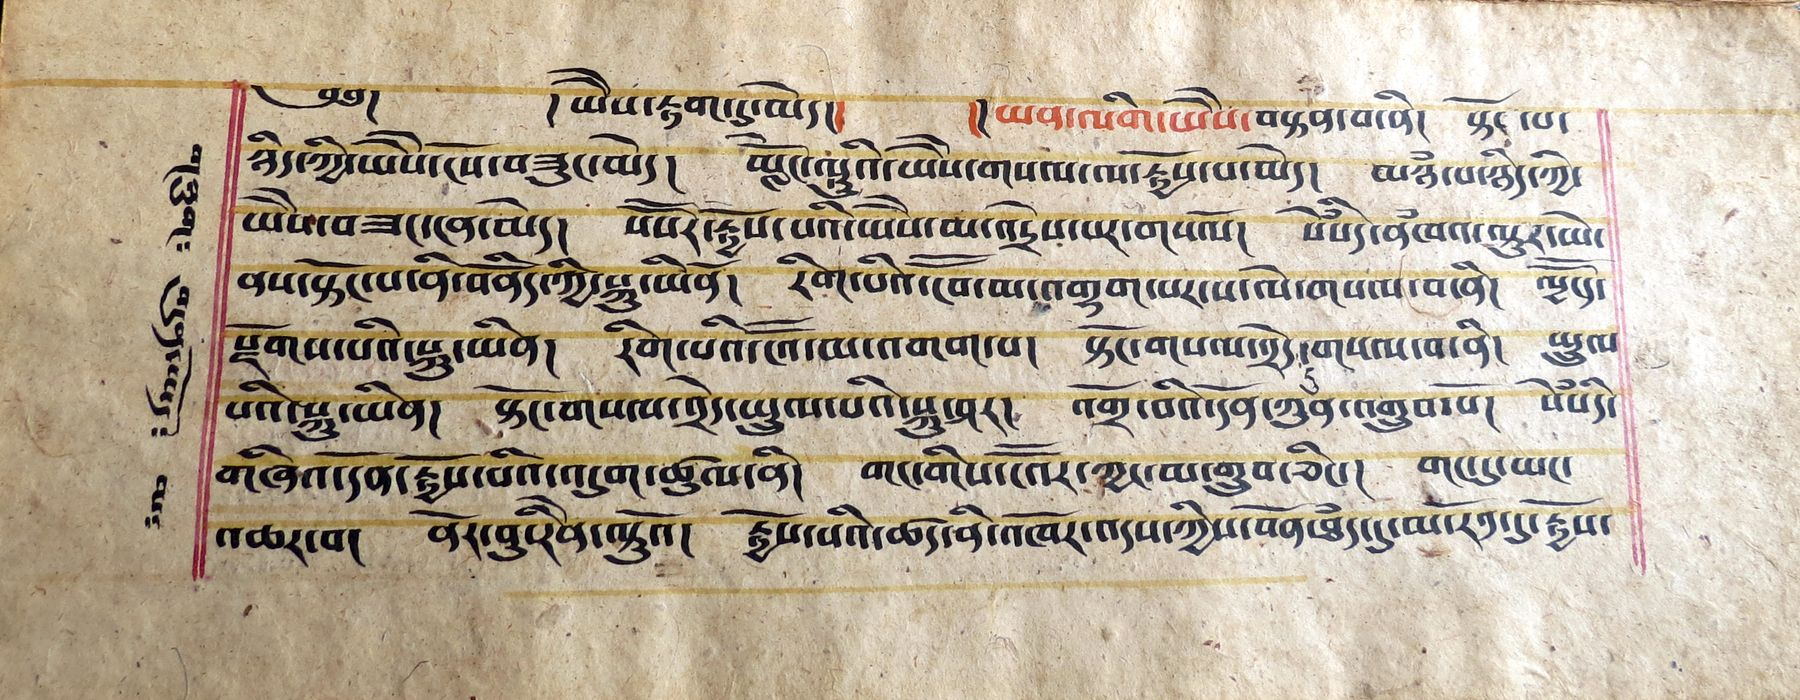ཡེ་ཤེས་རྟག་ཏུ་མེད། ཡན་ལག་གི་ཡེ་ཤེས་བསྟན་པ་ནི། སྟོང་པ་
ཉིད་ཀྱི་ཡེ་ཤེས་ངོས་བཟུང་མེད། མེ་ལོང་ལྟ་བུའི་ཡེ་ཤེས་གསལ་ལ་རྟོག་པ་མེད། མཉམ་པ་ཉིད་ཀྱི་
ཡེ་ཤེས་བཟང་ངན་མེད། སོ་སོར་རྟོག་པའི་ཡེ་ཤེས་མ་འདྲེས་པར་གསལ་ལོ། སེམས་ཉིད་ནམ་མཁའ་ལྟ་བུ་ཡེ་
ནས་སྟོང་པ་ནི་བོན་ཉིད་ཀྱི་སྐུ་ཡིན་ནོ། རིག་པའི་ངོ་བོ་མ་འགག་པར། སལེ་གསལ་བ་ནི། ལོངས་སྤྱོད་རྫོགས་
རྫོགས་པའི་སྐུ་ཡིན། རིག་པའི་ངོ་བོ་མ་འགག་པར་སྟོང་གསལ་གཉིས་མེད་དུ་གསལ་བ་ནི། སྤྲུལ་
པའི་སྐུ་ཡིན། སྟོང་གསལ་གཉིས་མེད་སྤྲུལ་པའི་སྐུ་ཤར། འགྲོ་བའི་དོན་ཀུན་འགྲུབ་བོ། ། སེམས་ཉིད་
གཞི་དོན་རྟོགས་པའི་འདུག་ཚུལ་ནི། གང་གི་ངོ་བོར་ཀྱང་མ་གྲུབ་ཅིང་། གང་དུ་ཡང་
འཆར་བ། ནོར་བུ་རིན་པོ་ཆེ་ལྟ་བུའོ། རྟོགས་པའི་ཚད་ནི་འཁོར་འདས་ཀྱི་བོན་ཐམས་ཅད་དུ་མ་རོ་གཅིག་ཏུ་རྟོགས་